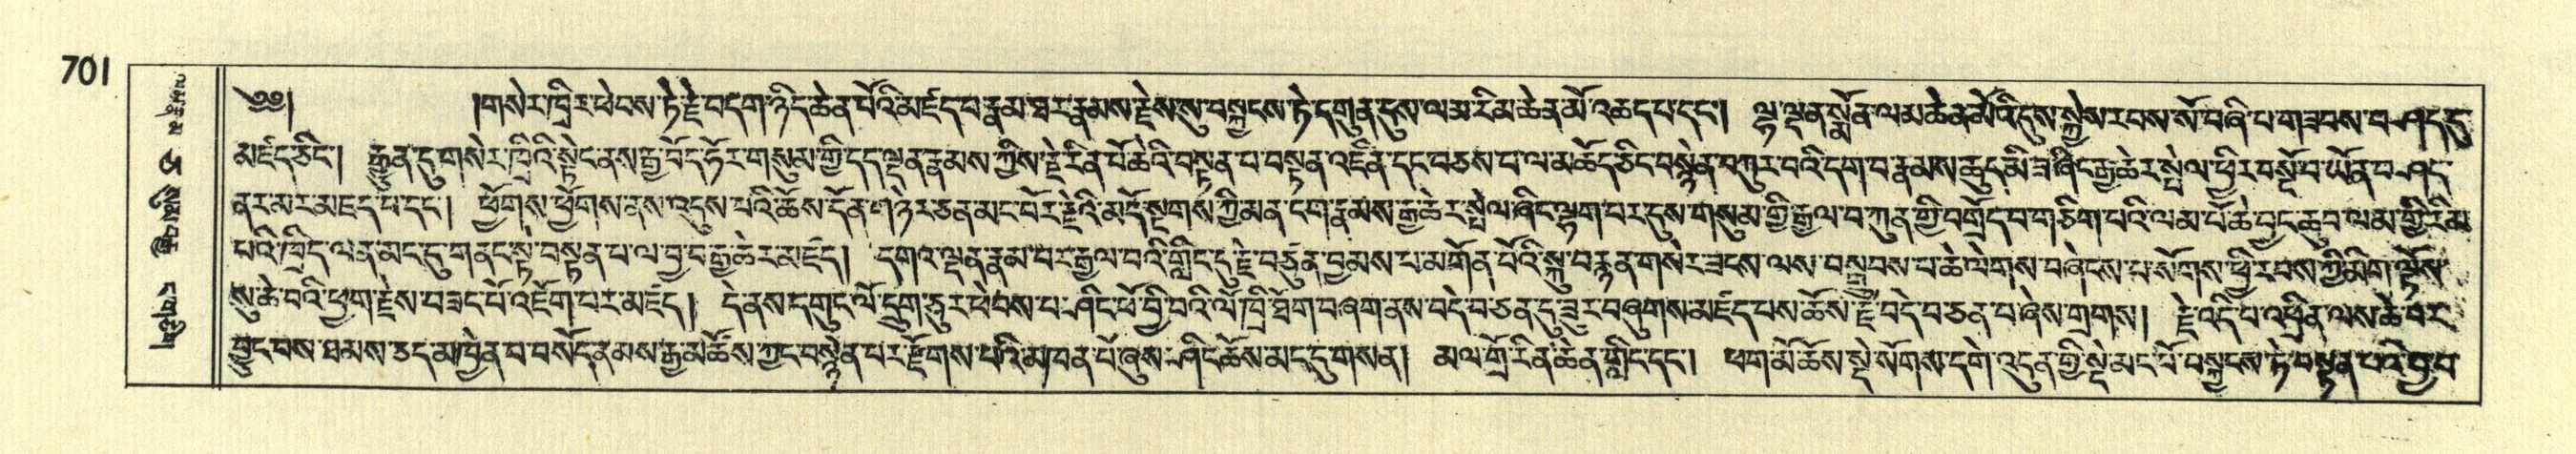༄༅། །གསེར་ཁྲིར་ཕེབས་ཏེ་རྗེ་བདག་ཉིད་ཆེན་པོའི་མཛད་བ་རྣམ་ཐར་རྣམས་རྗེས་སུ་བསྐྱངས་ཏེ་དགུན་དུས་ལམ་རིམ་ཆེན་མོ་འཆད་པ་དང་། ལྷ་ལྡན་སྨོན་ལམ་ཆེན་མོའི་དུས་སྐྱེས་རབས་སོ་བཞི་པ་གཟབས་བཤད་དུ་
མཛད་ཅིང་། རྒྱུན་དུ་གསེར་ཁྲིའི་སྟེང་ནས་རྒྱ་བོད་ཧོར་གསུམ་གྱི་དད་ལྡན་རྣམས་ཀྱིས་རྗེ་རིན་པོ་ཆེའི་བསྟན་པ་བསྟན་འཛིན་དང་བཅས་པ་ལ་མཆོད་ཅིང་བསྙེན་བཀུར་བའི་དག་བ་རྣམ་ཆུད་མི་ཟ་ཞིང་རྒྱ་ཆེར་སྤེལ་ཕྱིར་བསྔོ་བ་ཡོན་བཤད་
ནར་མར་མཛད་པ་དང་། ཕྱོགས་ཕྱོགས་ནས་འདུས་པའི་ཆོས་དོན་གཉེར་ཅན་མང་པོར་རྗེའི་མདོ་སྔགས་ཀྱི་མན་ངག་རྣམས་རྒྱ་ཆེར་སྤེལ་ཞིང་ལྷག་པར་དུས་གསུམ་གྱི་རྒྱལ་བ་ཀུན་གྱི་བགྲོད་པ་གཅིག་པའི་ལམ་པོ་ཆེ་བྱང་ཆུབ་ལམ་གྱི་རིམ་
པའི་ཁྲིད་ལན་མང་གུ་གནང་སྟེ་བསྟན་པ་ལ་བྱ་བ་རྒྱ་ཆེར་མཛད། དགའ་ལྡན་རྣམ་པར་རྒྱལ་བའི་གླིང་དུ་རྗེ་བཙུན་བྱམས་པ་མགོན་པོའི་སྐུ་བརྙན་གསེར་ཟངས་ལས་བསྒྲུབས་པ་ཆེ་ལེགས་བཞེངས་པ་སོགས་ཕྱི་རབས་ཀྱི་མིག་ལྟོས་
སུ་ཆེ་བའི་ཕྱག་རྗེས་བཟང་པོ་འཇོག་པར་མཛད། དེ་ནས་དགུང་ལོ་དྲུག་ཅུར་ཕེབས་པ་ཤིང་ཕོ་བྱི་བའི་ལོ་ཁྲི་ཐོག་བཞག་ནས་བདེ་བ་ཅན་དུ་ཟུར་བཞུགས་མཛད་པས་ཆོས་རྗེ་བདེ་བ་ཅན་བ་ཞེས་གྲགས། རྗེ་འདི་པ་འཕྲིན་ལས་ཆེ་བར་
བྱུང་བས་ཐམས་ཅད་མཁྱེན་བ་བསོད་ནམས་རྒྱ་མཚོས་ཀྱང་བསྙེན་པར་རྫོགས་པའི་མཁན་པོ་ཞུས་ཤིང་ཆོས་མང་དུ་གསན། མལ་གྲོ་རིན་ཆེན་གླིང་དང་། ཕག་མོ་ཆོས་སྡེ་སོགས་དགེ་འདུན་གྱི་སྡེ་མང་པོ་བསྐྱངས་ཏེ་བསྟན་པའི་བྱ་བ་